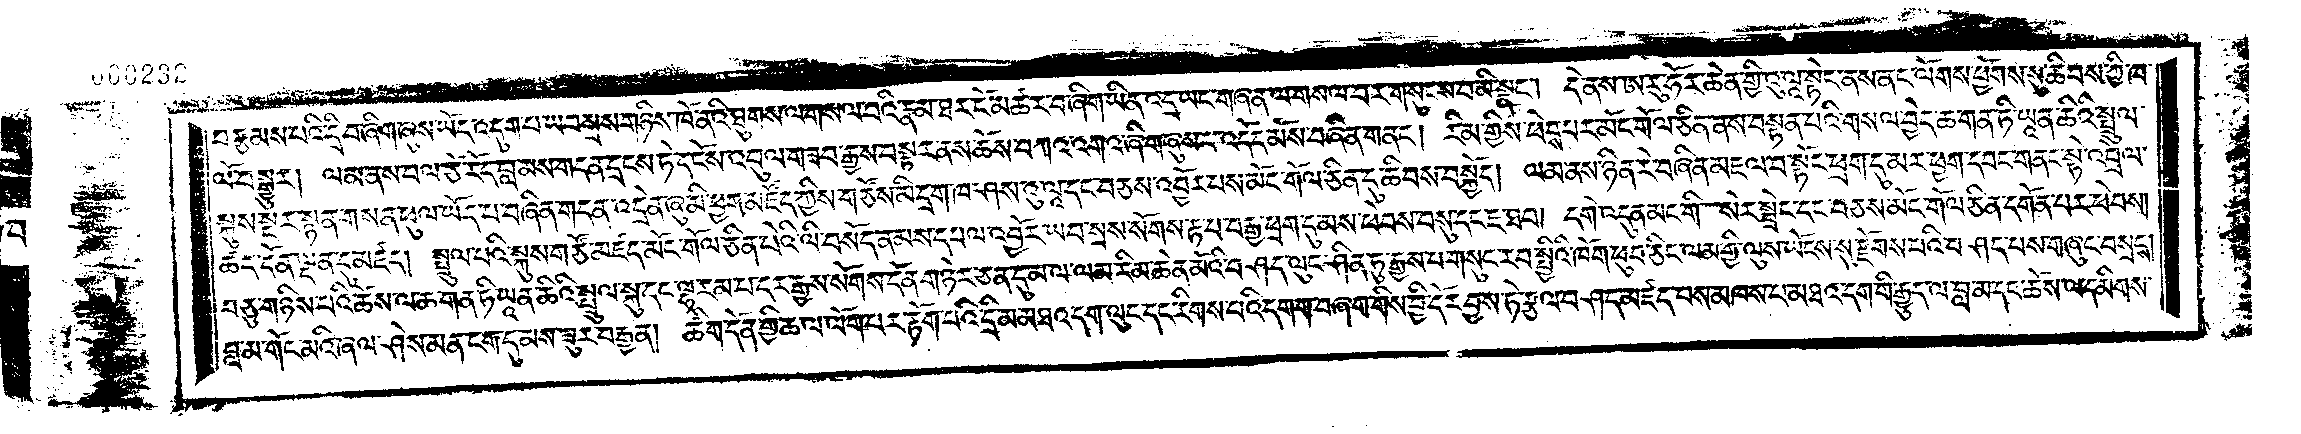བརྩམས་པའི་དྲི་བ་ཞིག་ཞུས་ཡོད་འདུག་པ་ཡབ་སྲས་གཉིས་ཁོ་ནའི་ཐུགས་ལགས་ལ་བའི་རྣམ་ཐར་ངོ་མཚར་བ་ཞིག་ཡིན་འདྲ་ཡང་གཞན་ལ་གསལ་བར་གསུངས་པ་མི་སྣང་། དེ་ནས་ཨ་རུ་ཧོར་ཆེན་གྱི་ལུ་ལཱ་སྟེང་ནས་ནང་ལོགས་ཕྱོགས་སུ་ཆིབས་ཀྱི་ཁ་
ལོ་བསྒྱུར། ལམ་ནས་བལ་ཅོ?་རོད་བླ་མས་གདན་དྲངས་ཏེ་དངོས་འབུལ་གཟབ་རྒྱས་བསྟར་ནས་ཆོས་བཀའ་འགའ་ཞིག་ཞུས་པ་འདོད་མོས་བཞིན་གནང་། རིམ་གྱིས་ཕེབས་པར་མོང་གོལ་ཅིན་ནས་བསྟན་པའི་གསལ་བྱེད་ཆ་གན་ཏི་ཡཱན་ཆིའི་སྤྲུལ་
སྐུས་སྔར་སྙན་གསན་ཕུལ་ཡོད་པ་བཞིན་གདན་འདྲེན་ཞུ་མི་ཕྱག་མཛོད་ཀྱིས་གཙོས་མི་དྲག་ཁ་ཤས་འུ་ལཱ་དང་བཅས་འབྱོར་པས་མོང་གོལ་ཅིན་དུ་ཆིབས་བསྐྱོད། ལམ་ནས་ཉིན་རེ་བཞིན་མཇལ་བ་སྟོང་ཕྲག་དུ་མར་ཕྱག་དབང་གནང་སྟེ་འབྲེལ་
ཚད་དོན་ལྡན་དུ་མཛད། སྤྲུལ་པའི་སྐུས་གཙོ་མཛད་མོང་གོལ་ཅིན་པེའི་ལི་བསོད་ནམས་དཔལ་འབྱོར་ཡབ་སྲས་སོགས་རྟ་པ་བརྒྱ་ཕྲག་དུ་མས་ཕེབས་བསུ་དང་ཇ་ཐབ། དགེ་འདུན་མང་གི་སེར་སྦྲེང་དང་བཅས་མོང་གོལ་ཅིན་དགོན་པར་ཕེབས།
བཅུ་གཉིས་པའི་ཚེས་ལ་ཆ་གན་ཏི་ཡཱན་ཆིའི་སྤྲུལ་སྐུ་དང་ལྷ་རམ་པ་དར་རྒྱས་སོགས་དོན་གཉེར་ཅན་དུ་མ་ལ་ལམ་རིམ་ཆེན་མོའི་བཤད་ལུང་ཤིན་ཏུ་རྒྱས་པ་གསུང་རབ་སྤྱིའི་ཁོག་ཕུབ་ཅིང་ལམ་གྱི་ལུས་ཡོངས་སུ་རྫོགས་པའི་བཤད་པས་གཞུང་བསྲངས།
བླ་མ་གོང་མའི་ཞལ་ཤེས་མན་ངག་དུ་མས་ཟུར་བརྒྱན། ཚིག་དོན་གྱི་ཆ་ལ་ལོག་པར་རྟོག་པའི་དྲི་མ་མཐའ་དག་ལུང་དང་རིགས་པའི་དགག་བཞག་གིས་བྱི་དོར་བྱས་ཏེ་རྩལ་བཤད་མཛད་པས་མཁས་པ་མཐའ་དག་གི་རྒྱུད་ལ་བླ་མ་དང་ཆོས་ལ་དམིགས་